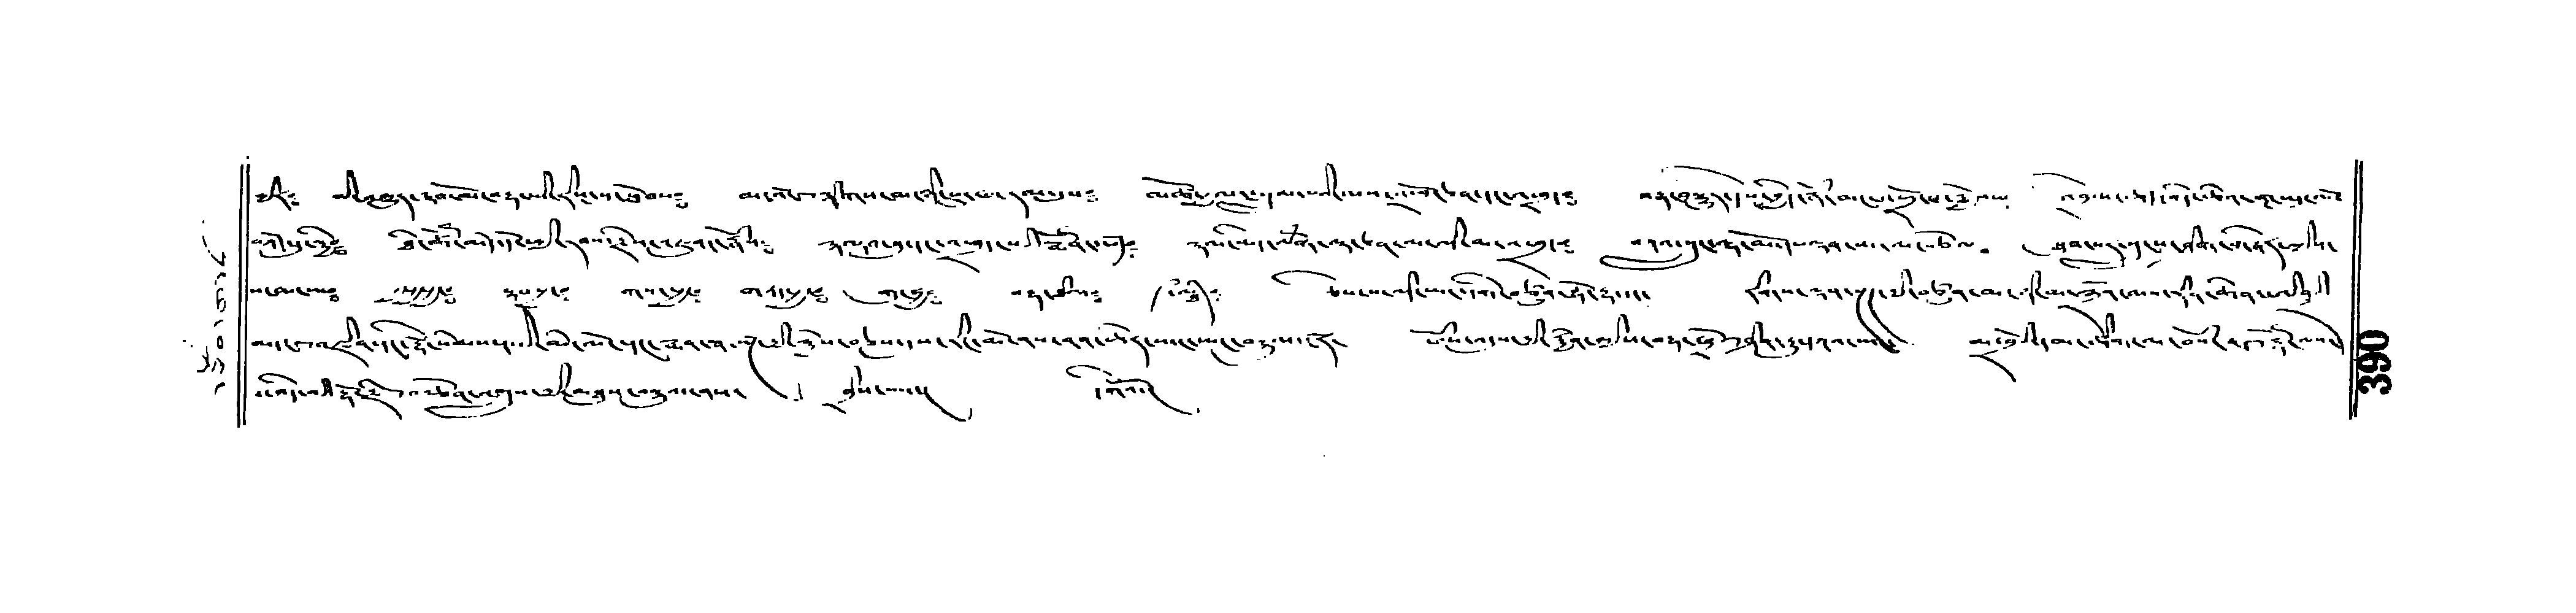ཕྱིར༔ མི་འགྱུར་ཟབ་མོ་བརྡ་ཡི་རིས་སུ་ཐོབ༔མ་འོངས་སྙིགས་མ་ཉི་ཤུ་ཁ་རལ་དུས༔ མཚོ་རྒྱལ་སྤྲུལ་པ་ལས་འཕྲོ་ཅན་དང་འཕྲད༔ བརྡ་བསྒྱུར་དཔེ་བྱེད་རྣམ་མང་འགྲོ་བ་སྐྱོབ༔ འབྲེལ་ཚད་བདེ་ཆེན་གཡུ་ལོ་
བཀོད་དུ་སྐྱེ༔ ཐེ་ཚོམ་མེད་དོ་ཕྱི་རབས་རྗེས་འཇུག་རྣམས༔ སྐལ་ལྡན་བུ་དང་འཕྲད་པའི་སྨོན་ལམ་ཡོད༔ སྐལ་མེད་ལོག་ལྟ་ཅན་ལ་འདི་མ་འཕྲད༔ བཀའ་སྲུང་ལྷ་མོ་དཔལ་ལྡན་མ་ལ་བཅོལ༔ ཐུབ་པར་སྲུངས་ཤིག་གཉེར་གྱིས་
ས་མ་ཡ༔ རྒྱ་རྒྱ་རྒྱ༔ ཟབ་རྒྱ༔ གསང་རྒྱ༔ གཏད་རྒྱ༔ གུ་ཧྱ༔ བརྡ་ཐིམ༔ ༔ ཅེས་པ་འདི་ཡང་དགེ་བཙུན་བྷོ་དྷ་དང་། རིགས་ལྡན་སྔགས་ཀྱི་བཙུན་མ་ཉི་མ་སྒྲོན་མས་རིན་ཆེན་ཨིནྡྲའི་
མདངས་འཛིན་དང་རྡོ་རྗེ་སེམས་དཔའི་མེ་ལོང་། སྨན་སྣ་སོགས་ཀྱི་སྐྱེས་བཅས་དུས་རིང་མོ་ནས་ནན་ཆེར་ཡང་ཡང་བསྐུལ་ངོར། ཁམས་འདུས་ཀྱི་རྐྱེན་གྱིས་བརྡ་ཁྲོལ་ཤིན་ཏུ་དཀའ་ཡང་། མཁའ་འགྲོའི་དམ་ཚིག་ལ་བསམ་ནས་སྙོམས་ལས་
བ་བདེ་བའི་རྡོ་རྗེས་བརྩོན་འགྲུས་ཀྱི་མཐུས་བསྐུལ་ནས་བྲིས་པ་དགེའོ།།